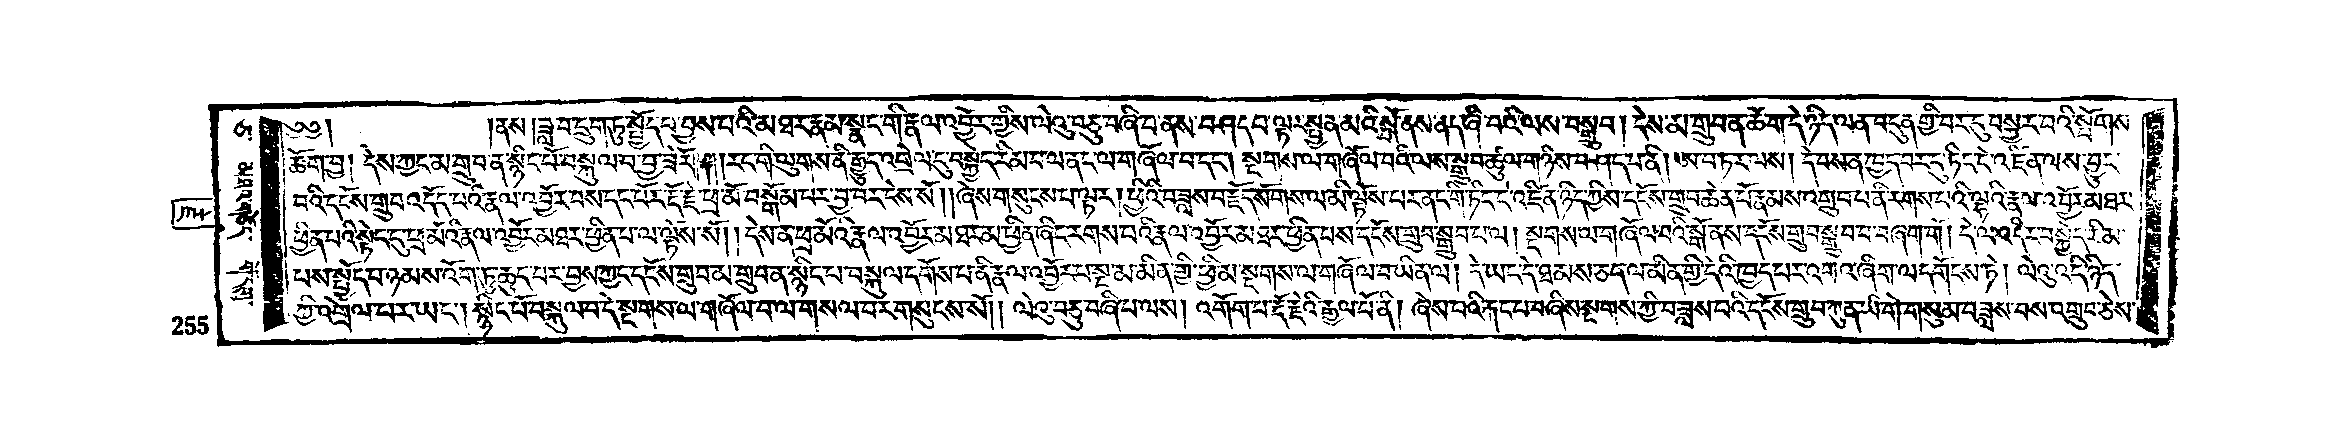༄༅། །ནས། ཟླ་བ་དྲུག་ཏུ་སྤྱོད་པ་བྱས་པའི་མཐར་རྣམ་སྣང་གི་རྣལ་འབྱོར་གྱིས་ལེའུ་བཅུ་བཞི་པ་ནས་བཤད་པ་ལྟར་སྤྱན་མའི་སྒོ་ནས་ནད་ཞི་བའི་ལས་བསྒྲུབ། དེས་མ་གྲུབ་ན་ཆོག་ག་དེ་ཉིད་ལན་བདུན་གྱི་བར་དུ་བསྐྱར་བའི་སྤོགས་
ཆོག་བྱ། དེས་ཀྱང་མ་གྲུབ་ན་སྙིང་པོ་བསྐུལ་བ་བྱ་ཟེར་རོ།། ༈ །།རང་གི་ལུགས་ནི་རྒྱུད་འགྲེལ་དུ་བསྐྱེད་རིམ་པ་ལ་ནང་ལ་གཞོལ་བ་དང་། སྔགས་ལ་གཞོལ་བའི་ལས་སྒྲུབ་ཚུལ་གཉིས་བཤད་པ་ནི། ཨ་བ་ཏ་ར་ལས། དེ་བས་ན་ཁྱད་པར་དུ་ཏིང་ངེ་འཛིན་ལས་བྱུང་
བའི་དངོས་གྲུབ་འདོད་པའི་རྣལ་འབྱོར་པས་དང་པོར་རྡོ་རྗེ་ཕྲ་མོ་བསྒོམ་པར་བྱ་བར་ངེས་སོ། །ཞེས་གསུངས་པ་ལྟར། ཕྱིའི་བཟླས་བརྗོད་སོགས་ལ་མི་ལྟོས་པར་ནང་གི་ཏིང་ངེ་འཛིན་ཉིད་ཀྱིས་དངོས་གྲུབ་ཆེན་པོ་རྣམས་འགྲུབ་པ་ནི་རགས་པའི་ལྷའི་རྣལ་འབྱོར་མཐར་
ཕྱིན་པའི་སྟེང་དུ་ཕྲ་མོའི་རྣལ་འབྱོར་མཐར་ཕྱིན་པ་ལ་ལྟོས་སོ། །དེས་ན་ཕྲ་མོའི་རྣལ་འབྱོར་མཐར་མ་ཕྱིན་ཞིང་རགས་པའི་རྣལ་འབྱོར་མཐར་ཕྱིན་པས་དངོས་གྲུབ་སྒྲུབ་པ་ལ། སྔགས་ལ་གཞོལ་བའི་སྒོ་ནས་དངོས་གྲུབ་སྒྲུབ་པ་བཞག་གོ །དེ་ལ་འདིར་བསྐྱེད་རིམ་
པས་སྤྱོད་པ་ཉམས་འོག་ཏུ་ཆུད་པར་བྱས་ཀྱང་དངོས་གྲུབ་མ་གྲུབ་ན་སྙིང་པོ་བསྐུལ་དགོས་པ་ནི་རྣལ་འབྱོར་པ་སྔ་མ་མིན་གྱི་ཕྱི་མ་སྔགས་ལ་གཞོལ་བ་ཡིན་ལ། དེ་ཡང་དེ་ཐམས་ཅད་ལ་མིན་གྱི་དེའི་ཁྱད་པར་འགའ་ཞིག་ལ་དགོངས་ཏེ། ལེའུ་འདི་ཉིད་
ཀྱི་འགྲེལ་པར་ཡང་། སྙིང་པོ་བསྐུལ་བ་དེ་སྔགས་ལ་གཞོལ་བ་ལ་གསལ་བར་གསུངས་སོ། །ལེའུ་བཅུ་བཞི་པ་ལས། འགོག་པ་རྡོ་རྗེའི་རྒྱལ་པོ་ནི། ཞེས་པའི་རྐང་པ་བཞིས་སྔགས་ཀྱི་བཟླས་པའི་དངོས་གྲུབ་ཀུན་ཡི་གེ་གསུམ་བཟླས་བས་འགྲུབ་ཅེས་